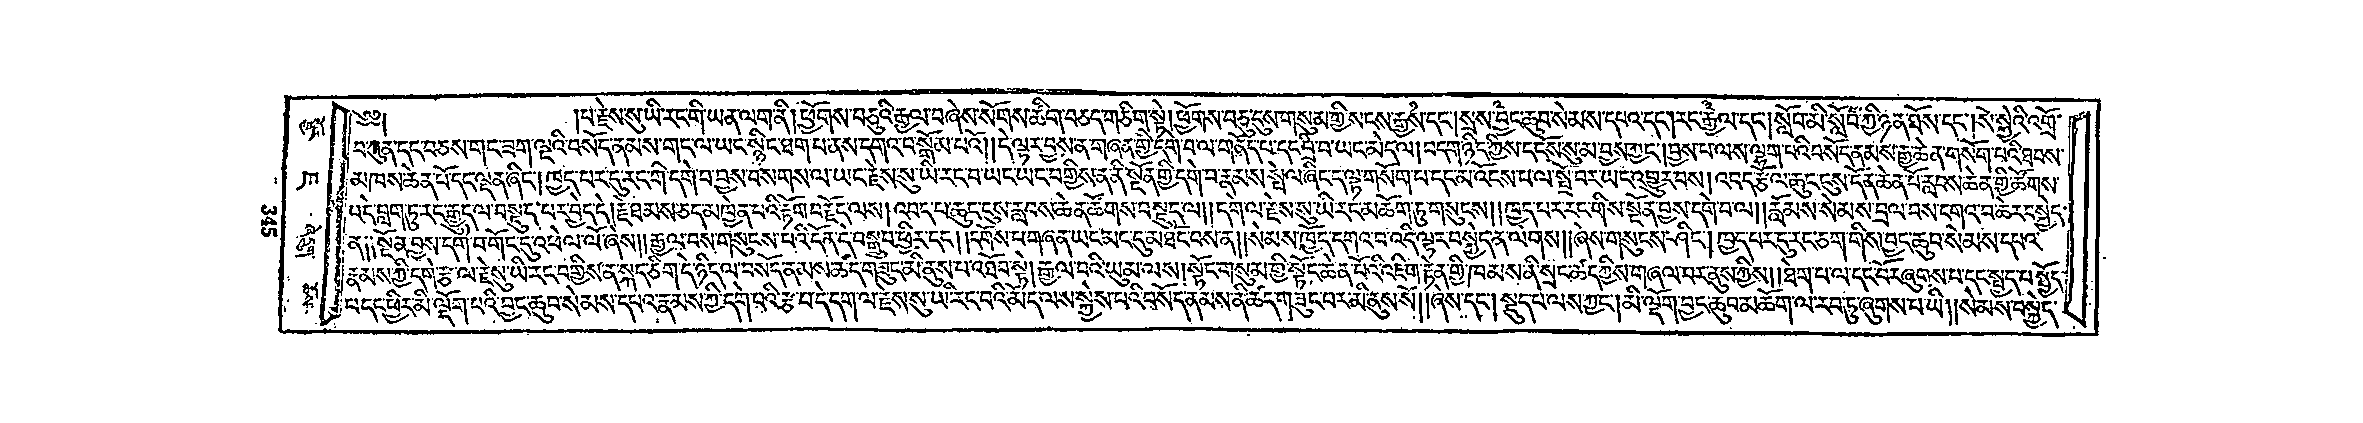༄༅། །པ་རྗེས་སུ་ཡི་རང་གི་ཡན་ལག་ནི། ཕྱོགས་བཅུའི་རྒྱལ་བཞེས་སོགས་ཚིག་བཅད་གཅིག་སྟེ། ཕྱོགས་བཅུ་དུས་གསུམ་གྱི་སངས་རྒྱས་དང་། སྲས་བྱང་ཆུབ་སེམས་དཔའ་དང་། རང་རྒྱལ་དང་། སློབ་མི་སློབ་ཀྱི་ཉན་ཐོས་དང་། སེ་སྐྱེའི་འགྲོ་
བ་ཀུན་དང་བཅས་གང་ཟག་ལྔའི་བསོད་ནམས་གང་ལ་ཡང་སྙིང་ཐག་པ་ནས་དགའ་བ་སྒོམ་པའོ། །དེ་ལྟར་བྱས་ན་གཞན་གྱི་དགེ་བ་ལ་གནོད་པ་དང་བྲི་བ་ཡང་མེད་ལ། བདག་ཉིད་ཀྱིས་དངོས་སུ་མ་བྱས་ཀྱང་། བྱས་པ་ལས་ལྷག་པའི་བསོད་ནམས་རྒྱ་ཆེན་གསོག་པའི་ཐབས་
མཁས་ཆེན་པོ་དང་ལྡན་ཞིང་། ཁྱད་པར་དུ་རང་གི་དགེ་བ་བྱས་བསགས་ལ་ཡང་རྗེས་སུ་ཡི་རང་བ་ཡང་ཡང་བགྱིས་ན་ནི་སྔོན་གྱི་དགེ་བ་རྣམས་སྤེལ་ཞིང་ད་ལྟ་གསོག་པ་དང་མ་འོངས་པ་ལ་སྤྲོ་བར་ཡང་འགྱུར་བས། འབད་རྩོལ་ཆུང་ངུས་དོན་ཆེན་པོ་རླབས་ཆེན་གྱི་ཚོགས་
བདེ་བླག་ཏུ་རང་རྒྱུད་ལ་བསྡུད་པར་བྱེད་དེ། རྗེ་ཐམས་ཅད་མཁྱེན་པའི་རྟོག་བརྗོད་ལས། འབད་པ་ཆུང་ངུས་རླབས་ཆེན་ཚོགས་བསྡུད་ལ། །དགེ་ལ་རྗེས་སུ་ཡི་རང་མཆོག་ཏུ་གསུངས། །ཁྱད་པར་རང་གིས་སྔོན་བྱས་དགེ་བ་ལ། །རློམས་སེམས་བྲལ་བས་དགའ་བ་ཆེར་བསྐྱེད་
ན། །སྔོན་བྱས་དགེ་བ་གོང་དུ་འཕེལ་ལོ་ཞེས། །རྒྱལ་བས་གསུངས་པའི་དོན་དེ་བསྒྲུབ་ཕྱིར་དང་། །དགོས་པ་གཞན་ཡང་མང་དུ་མཐོང་བས་ན། །སེམས་ཁྱོད་དགའ་བ་འདི་ལྟར་བསྐྱེད་ན་ལེགས། །ཞེས་གསུངས་ཤིང་། ཁྱད་པར་དུ་རང་ཅག་གིས་བྱང་ཆུབ་སེམས་དཔའ་
རྣམས་ཀྱི་དགེ་རྩ་ལ་རྗེས་སུ་ཡི་རང་བགྱིས་ན་སྐད་ཅིག་དེ་ཉིད་ལ་བསོད་ནམས་ཚད་གཟུང་མི་ནུས་པ་འཐོབ་སྟེ། རྒྱལ་བའི་ཡུམ་ལས། སྟོང་གསུམ་གྱི་སྟོང་ཆེན་པོའི་འཇིག་རྟེན་གྱི་ཁམས་ནི་སྲང་ཚད་ཀྱིས་གཞལ་བར་ནུས་ཀྱིས། །ཐེག་པ་ལ་དང་པོར་ཞུགས་པ་དང་སྤྱད་པ་སྤྱོད་
པ་དང་ཕྱིར་མི་ལྡོག་པའི་བྱང་ཆུབ་སེམས་དཔའ་རྣམས་ཀྱི་དགེ་བའི་རྩ་བ་དེ་དག་ལ་རྗེས་སུ་ཡི་རང་བའི་མོད་ལས་སྐྱེས་པའི་བསོད་ནམས་ནི་ཚད་གཟུང་བར་མི་ནུས་སོ། །ཞེས་དང་། སྡུད་པ་ལས་ཀྱང་། མི་ལྡོག་བྱང་ཆུབ་མཆོག་ལ་རབ་ཏུ་ཞུགས་པ་ཡི། །སེམས་བསྐྱེད་